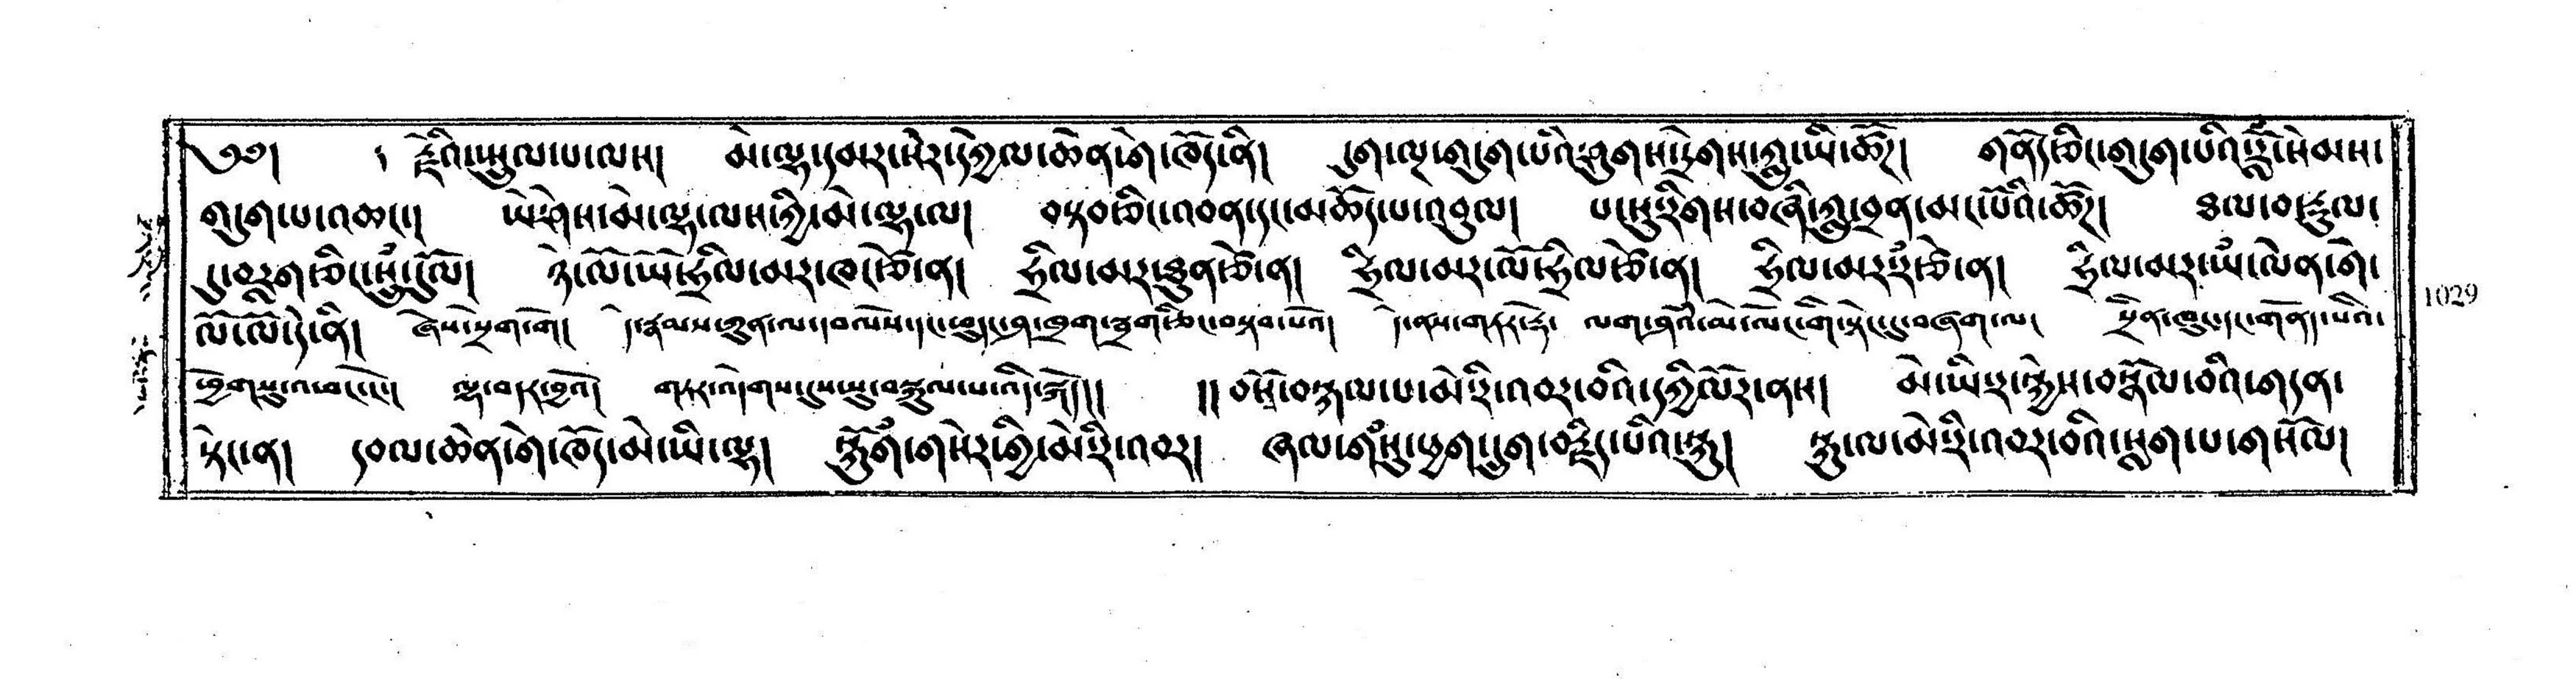རྗེའི་སྤྲུལ་པ་ལས། མེ་ལྷ་དམར་སེར་དཀྱེལ་ཆེན་གེ་ཁོད་ནི། དུག་ལྔ་གདུག་པའི་ཤུགས་དྲེགས་ཀླུ་ཡི་ཚོགས། གནོད་ཅིང་གདུག་པའི་རློམ་སེམས་
གདུག་པ་འཆང་། ཡེ་ཤེས་མེ་ལྷ་ལས་ཀྱི་མེ་ལྷ་ལ། བསྟབ་ཅིང་འབན་དང་མཆོད་པ་འབུལ། པ་སུ་རིགས་བཞི་ཀླུ་བྲན་མང་པོའི་ཚོགས། ཐལ་བ་རྡུལ་
དུ་བརླག་ཅིང་སྲུང་དུ་གསོལ། ཉེ་ལོ་ཡོ་ཧྲིལ་མར་ཁང་ཙེ་ན། ཧྲིལ་མར་ཐུན་ཙེ་ན། ཧྲིལ་མར་ལོ་ཧྲིལ་ཙེ་ན། ཧྲིལ་མར་རཾ་ཙེ་ན། ཧྲིལ་མར་ཡཾ་ལེན་གེ་
ལོ་ལོ་དེ་ནི། ཞེས་སྲེག་གོ། དེ་རྣམས་ཀུན་ལ་དབལ་བཤོས་དང་ཕུད་དང་ཤ་ཁྲག་སྦྲག་ཅིང་བསྟན་པའོ། དེ་ནས་གཏར་རྡོ་ལག་ཤའམ་མེ་ལོང་གི་སྟེང་དུ་བཞག་ལ། སྲིན་ཁུང་དང་གནོད་པའི་
ཕྱོགས་སུ་འཕང་ངོ་། ལྷ་བདར་བྱའོ། གཏར་འདེགས་དུས་སུ་བསྐུལ་པ་འདི་སྐད་དོ།། །།བསྭོ་བསྐལ་པ་མེ་རི་འབར་བའི་དཀྱིལ་འཁོར་ནས། མེ་ཡི་ར་སྐྱེས་བསྣོལ་བའི་གདན་
སྟེང་ན། དབལ་ཆེན་གེ་ཁོད་མེ་ཡི་ལྷ། སྐུ་མདོག་གསེར་གྱི་མེ་རི་འབར། ཞལ་གསུམ་ཕྱག་དྲུག་བརྗིད་པའི་སྐུ། སྐུ་ལ་མེ་རི་འབར་བའི་སླག་པ་གསོལ།